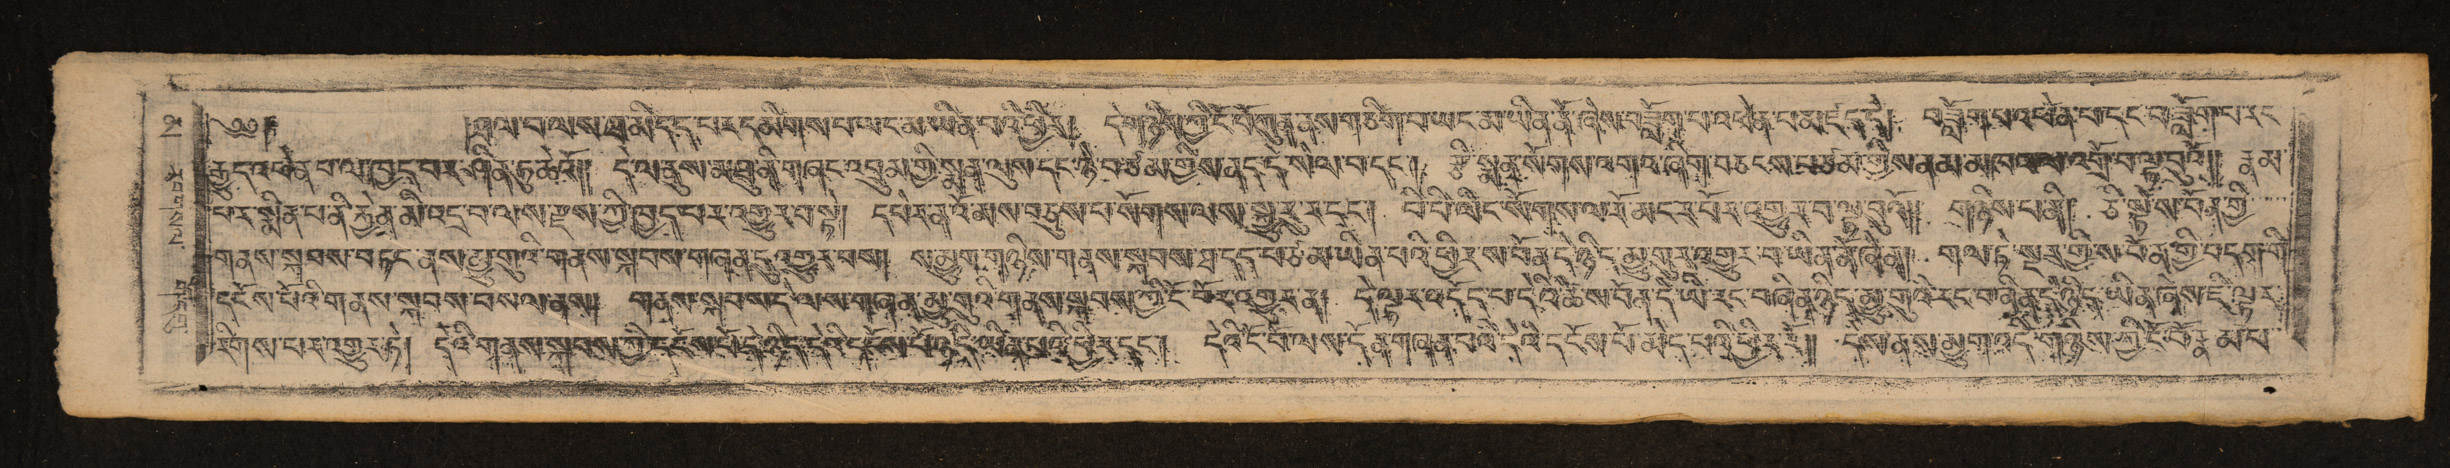༄༅། །ཐལ་བ་ལས་ཐ་མི་དད་པར་དམིགས་པ་ཡང་མ་ཡིན་པའི་ཕྱིར། དེ་གཉིས་གྱི་ངོ་བོ་ཀུན་ནས་གཅིག་པ་ཡང་མ་ཡིན་ནོ་ཞེས་བཟློག་པ་འཕེན་པ་མཛད་དེ། བཟློག་པ་འཕེན་པ་དང་བཟློག་པ་རང་
རྒྱུད་འཕེན་པ་ལ་ཁྱད་པར་ཤིན་ཏུ་ཆེའོ།། དེ་ལ་ནུས་མཐུ་ནི་གཞང་འབྲུམ་གྱི་སྨན་ལུས་དང་ཉེ་བ་ཙམ་གྱིས་ནད་དེ་སེལ་བ་དང་། རྩི་སྨན་སོགས་འགའ་ཞིག་བཅངས་པ་ཙམ་གྱིས་ནམ་མཁའ་ལ་འགྲོ་བ་ལྟ་བུའོ།། རྣམ་
པར་སྨིན་པ་ནི་རྐྱེན་མི་འདྲ་བ་ལས་རྫས་ཀྱི་ཁྱད་པར་འགྱུར་བ་སྟེ། དཔེར་ན་འོ་མས་བཅུས་པ་སོགས་ལས་སྐྱུ་རུ་ར་དང་། པི་པི་ལིང་སོགས་ལ་རོ་མངར་པོར་འགྱུར་བ་ལྟ་བུའོ།། གཉིས་པ་ནི། ཅི་སྟེ་ས་བོན་གྱི་
གནས་སྐབས་བཏང་ནས་མྱུ་གུའི་གནས་སྐབས་གཞན་དུ་གྱུར་བས། ས་མྱུག་གཉིས་གནས་སྐབས་ཐ་དད་པ་ཙམ་ཡིན་པའི་ཕྱིར་ས་བོན་དེ་ཉིད་མྱུ་གུར་འགྱུར་བ་ཡིན་ནོ་ཞེ་ན། གལ་ཏེ་སྔར་གྱི་ས་བོན་གྱི་བདག་གི་
དངོས་པོའི་གནས་སྐབས་བསལ་ནས། གནས་སྐབས་དེ་ལས་གཞན་མྱུ་གུའི་གནས་སྐབས་ཀྱི་ངོ་བོར་འགྱུར་ན། དེ་ལྟར་འདོད་པ་དེའི་ཚེ་ས་བོན་དེ་ཡི་རང་བཞིན་ཉིད་མྱུ་གུའི་རང་བཞིན་དེ་ཉིད་ཡིན་ཞེས་ཇི་ལྟར་
རིགས་པར་འགྱུར་ཏེ། དེའི་གནས་སྐབས་ཀྱི་དངོས་པོ་དེ་ཉིད་དེའི་དངོས་པོ་ཉིད་ཡིན་པའི་ཕྱིར་དང་། དེའི་ངོ་བོ་ལས་དོན་གཞན་པའི་དེའི་དངོས་པོ་མེད་པའི་ཕྱིར་རོ།། དེས་ན་ས་མྱུག་འདི་གཉིས་ཀྱི་ངོ་བོ་རྣམ་པ་